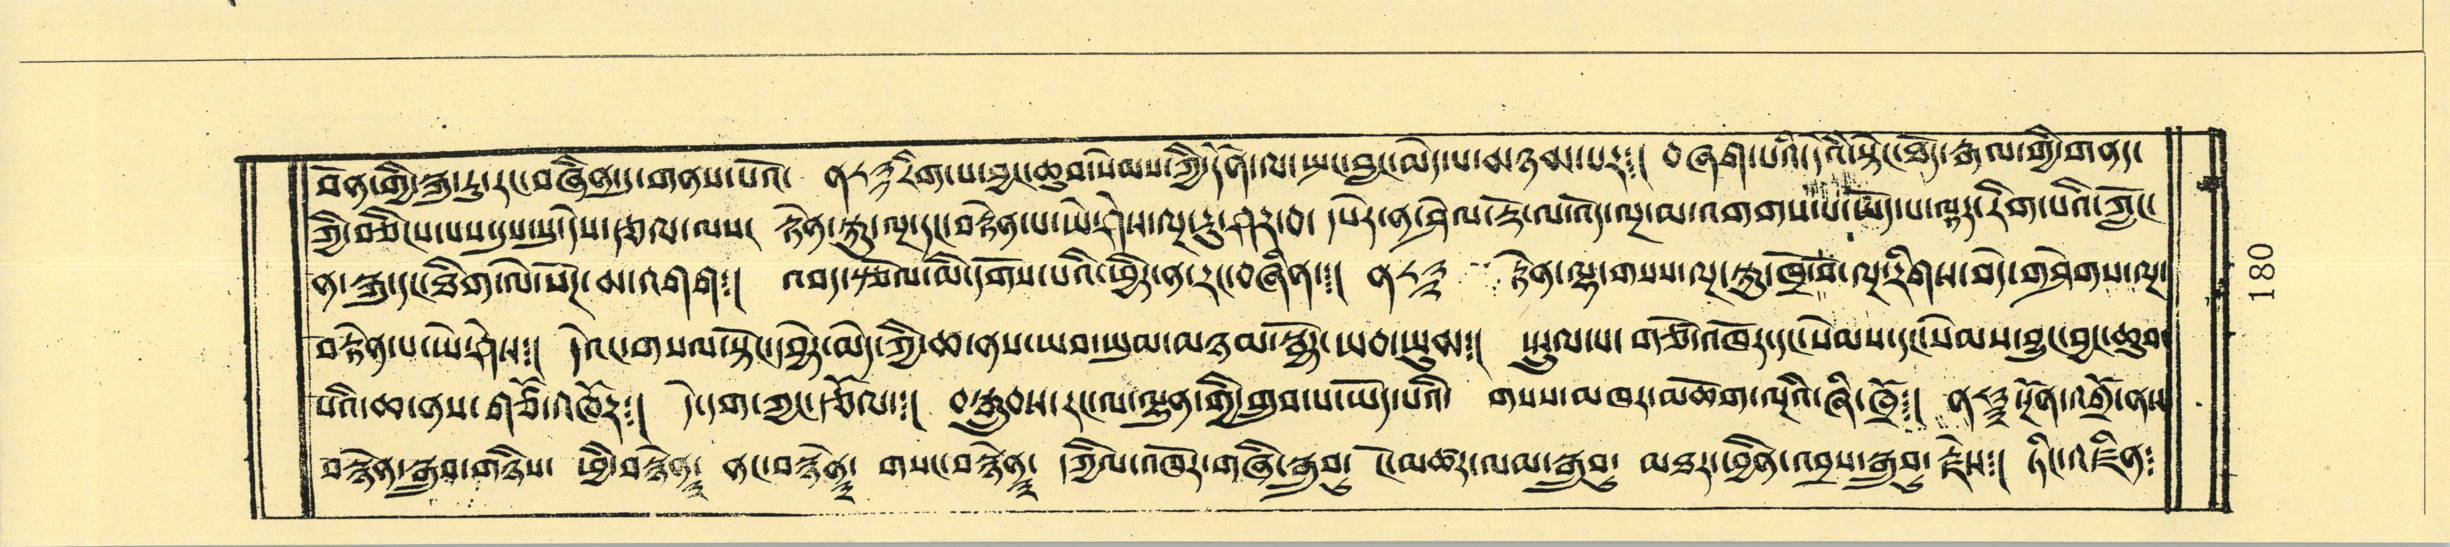བོན་གྱི་སྐུ་རུ་རང་བཞིན་དུ་གནས་པའོ། ན༨༢།༡ རིག་པ་བྱང་ཆུབ་སེམས་ཀྱི་༼དོན་ལ༽སྤང་བླང་མེད་པ་༼མཉམ་པར༽༼བཞག་པའི༽དེའི་སྟེང་ཐོད་རྒལ་གྱི་གནད་
ཀྱིས་བཅིངས་པས་དུས་སུ་དེས་༼རྩལ༽ལས། རྟེན་༼སྐུ་ལྔ༽དང་བརྟེན་པ་༼ཡེ་ཤེས་ལྔ་རུ་ཤར་བ༽དཔེར་ན་ཤེལ་རྡོ་ལ་འོད་ལྔ་མ་འགག་པ་ཡོད་པ་ལྟར་རིག་པའི་ཀློང་
ན་སྐུ་དང་ཐིག་ལེ་སོགས་༼མ་འགག་པ༽འབད་རྩོལ་མི་དགོས་པའི་ཕྱིར་ན་༼རང་བཞིན༽ན༨༢།༢ རྟེན་ལྷ་གསས་ལྔ་སྐུ་ཁྲོ་བོ་ལྔ་རིགས་བདེར་གཤེགས་ལྔ་
བརྟེན་པ་ཡེ་ཤེས་དེའང་གསལ་སྟོང་དབྱེར་མེད་ཀྱི་ཆ་ནས་ཡབ་ཡུམ་མཉམ་སྦྱོར་༼ཡབ་ཡུམ༽༼སྤྲུལ་པ༽གཙོ་འཁོར་དང་སེམས་དང་སེམས་བྱུང་བྱང་ཆུབ་
པའི་ཆ་ནས་༼གཙོ་འཁོར༽དེ་དག་ཀྱང་རྩོལ་ ༼བསྒྲུབས༽རང་ལ་ལྷུན་གྱིས་གྲུབ་པ་ཡོད་པའི་གསས་མཁར་མཆོག་ལྔའི་༼ཞི་ཁྲོ༽ན༨༢།༣༼སྔོན་འགྲོ༽ནས་
བསྙེན་སྒྲུབ་གཉིས་ཕྱི་བསྙེན་༣ ནང་བསྙེན་༣ གསང་བསྙེན་༣ དཀྱིལ་འཁོར་གཞི་སྒྲུབ་༦ ངོ་མཚར་ལམ་སྒྲུབ་༦ མཐར་ཕྱིན་ལམ་སྒྲུབ་དྲུག་༼རྗེས་ཏིང་འཛིན༽